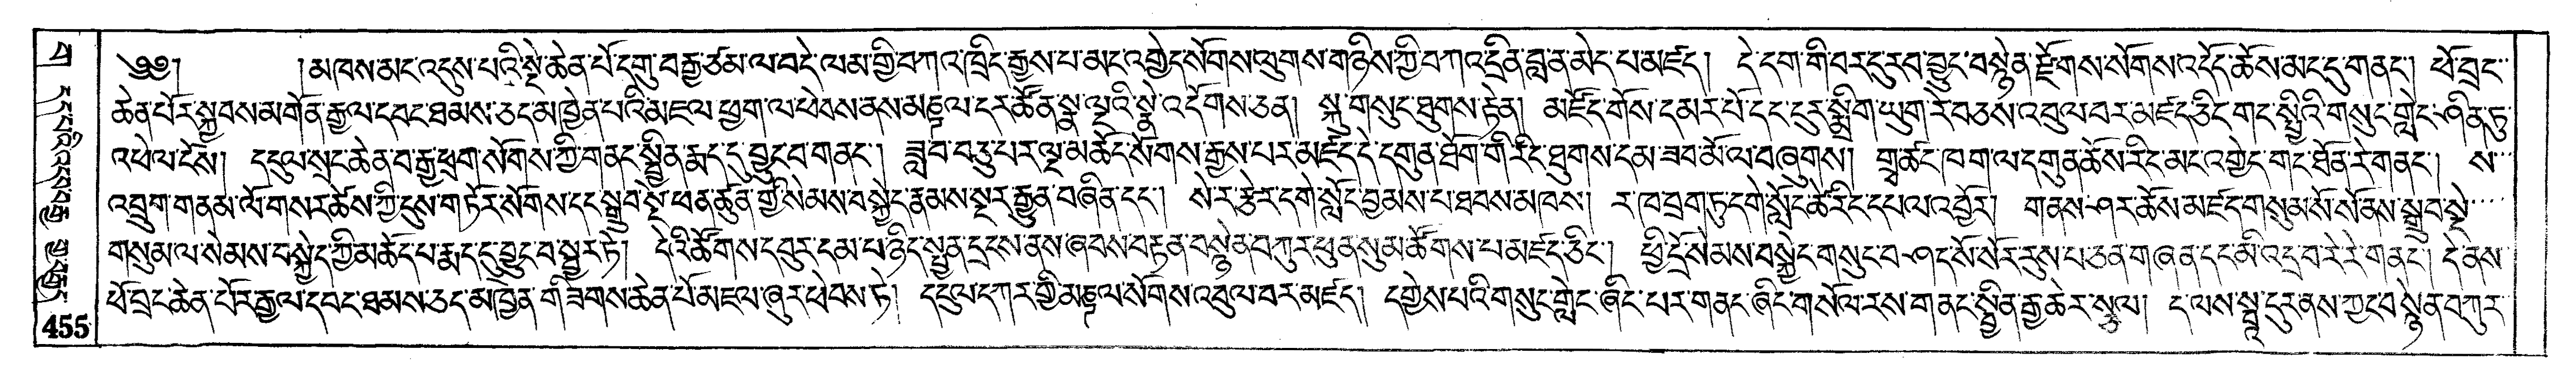༄༅། །མཁས་མང་འདུས་པའི་སྡེ་ཆེན་པོ་དགུ་བརྒྱ་ཙམ་ལ་བདེ་ལམ་གྱི་བཀའ་ཁྲིད་རྒྱས་པ་མང་འགྱེད་སོགས་ལུགས་གཉིས་ཀྱི་བཀའ་དྲིན་བླ་ན་མེད་པ་མཛད། དེ་དག་གི་བར་དུ་རབ་བྱུང་བསྙེན་རྫོགས་སོགས་འདོད་ཆོས་མང་དུ་གནང་། ཕོ་བྲང་
ཆེན་པོར་སྐྱབས་མགོན་རྒྱལ་དབང་ཐམས་ཅད་མཁྱེན་པའི་མཇལ་ཕྱག་ལ་ཕེབས་ནས་མཎྜལ་དར་ཚོན་སྣ་ལྔའི་སྣེ་འདོགས་ཅན། སྐུ་གསུང་ཐུགས་རྟེན། མཛོད་གོས་དམར་པོ་དང་དུར་སྨྲིག་ཡུག་ར་བཅས་འབུལ་བར་མཛད་ཅིང་གང་སྤྱིའི་གསུང་གླེང་ཤིན་ཏུ་
འཕེལ་དོས། དངུལ་སྲང་ཆེན་བརྒྱ་ཕྲག་སོགས་ཀྱི་གནང་སྦྱིན་རྨད་དུ་བྱུང་བ་གནང་། ཟླ་བ་བཅུ་པར་ལྔ་མཆོད་སོགས་རྒྱས་པར་མཛད་དེ་དགུན་ཐོག་གི་རིང་ཐུགས་དམ་ཟབ་མོ་ལ་བཞུགས། གྲྭ་ཚང་ཁག་ལ་དགུན་ཆོས་རིང་མང་འགྱེད་གང་ཐོན་རེ་གནང་། ས་
འབྲུག་གནམ་ལོ་གསར་ཚེས་ཀྱི་དུས་གཏོར་སོགས་དང་སྒྲུབ་སྡེ་ཕན་ཚུན་གྱི་སེམས་བསྐྱེད་རྣམས་སྔར་རྒྱུན་བཞིན་དང་། སེར་རྩེར་དགེ་སློང་བྱམས་པ་ཐབས་མཁས། ར་ཁ་བྲག་ཏུ་དགེ་སློང་ཚེ་རིང་དཔལ་འབྱོར། གནས་ཤར་ཆོས་མཛད་གསུམ་སོ་སོ་ནས་སྒྲུབ་སྡེ་
གསུམ་ལ་སེམས་བསྐྱེད་ཀྱི་མཆོད་པ་རྨད་དུ་བྱུང་བ་སྦྱར་ཏེ། དེའི་ཚོགས་དབུར་དམ་པ་ཉིད་སྤྱན་དྲངས་ནས་ཞབས་བརྟན་བསྙེན་བཀུར་ཕུན་སུམ་ཚོགས་པ་མཛད་ཅིང་། ཕྱི་དྲོ་སེམས་བསྐྱེད་གསུང་བཤད་སོ་སོར་རུས་པ་ཅན་གཞན་དང་མི་འདྲ་བ་རེ་རེ་གནང་། དེ་ནས་
ཕོ་བྲང་ཆེན་པོར་རྒྱལ་དབང་ཐམས་ཅད་མཁྱེན་གཟིགས་ཆེན་པོ་མཇལ་ཞུར་ཕེབས་ཏེ། དངུལ་དཀར་གྱི་མཎྜལ་སོགས་འབུལ་བར་མཛད། དགྱེས་པའི་གསུང་གླེང་ཞིབ་པར་གནང་ཞིང་གསོལ་རས་གནང་སྦྱིན་རྒྱ་ཆེར་སྩལ། ད་ལས་སྦཱ་དུར་ནས་ཀྱང་བསྙེན་བཀུར་